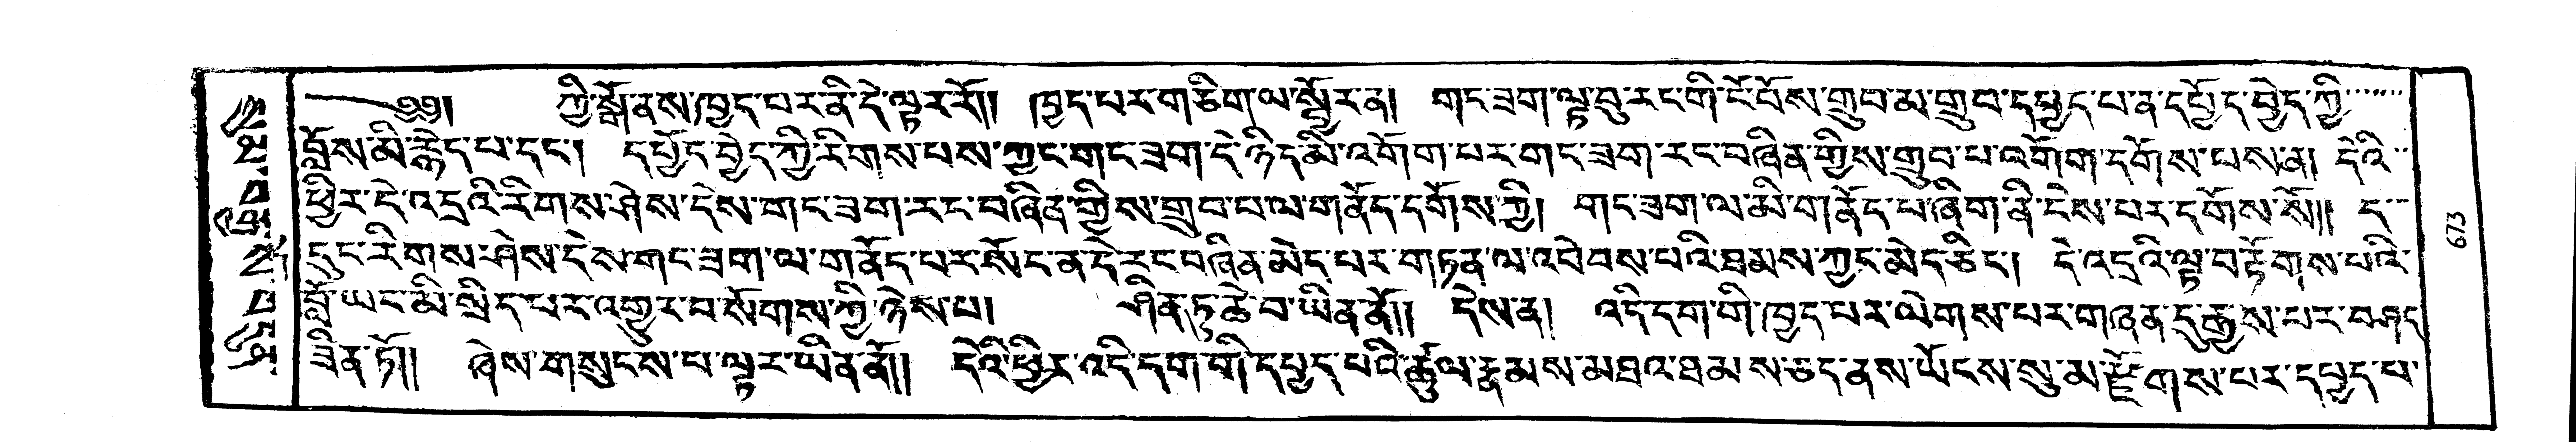༄༅། །ཀྱི་སྒོ་ནས་ཁྱད་པར་ནི་དེ་ལྟར་རོ།། ཁྱད་པར་གཅིག་ལ་སྦྱོར་ན། གང་ཟག་ལྟ་བུ་རང་གི་ངོ་བོས་གྲུབ་མ་གྲུབ་དཔྱད་པ་ན་དཔྱོད་བྱེད་ཀྱི་
བློས་མི་རྙེད་པ་དང་། དཔྱོད་བྱེད་ཀྱི་རིགས་པས་ཀྱང་གང་ཟག་དེ་ཉིད་མི་འགོག་པར་གང་ཟག་རང་བཞིན་གྱིས་གྲུབ་པ་འགོག་དགོས་པས་ན། དེའི་
ཕྱིར་དེ་འདྲའི་རིགས་ཤེས་དེས་གང་ཟག་རང་བཞིན་གྱིས་གྲུབ་པ་ལ་གནོད་དགོས་ཀྱི། གང་ཟག་ལ་མི་གནོད་པ་ཞིག་ནི་ངེས་པར་དགོས་སོ།། ད་
དུང་རིགས་ཤེས་དེས་གང་ཟག་ལ་གནོད་པར་སོང་ན་དེ་རང་བཞིན་མེད་པར་གཏན་ལ་འབེབས་པའི་ཐམས་ཀྱང་མེད་ཅིང་། དེ་འདྲའི་ལྟ་བ་རྟོགས་པའི་
བློ་ཡང་མི་སྲིད་པར་འགྱུར་བ་སོགས་ཀྱི་ཉེས་པ། ཤིན་ཏུ་ཆེ་བ་ཡིན་ནོ། །དེས་ན། འདི་དག་གི་ཁྱད་པར་ལེགས་པར་གཞན་དུ་རྒྱས་པར་བཤད་
ཟིན་ཏོ། །ཞེས་གསུངས་པ་ལྟར་ཡིན་ནོ།། དེའི་ཕྱིར་འདི་དག་གི་དཔྱད་པའི་ཚུལ་རྣམས་མཐའ་ཐམས་ཅད་ནས་ཡོངས་སུ་མ་རྫོགས་པར་དཔྱད་པ་